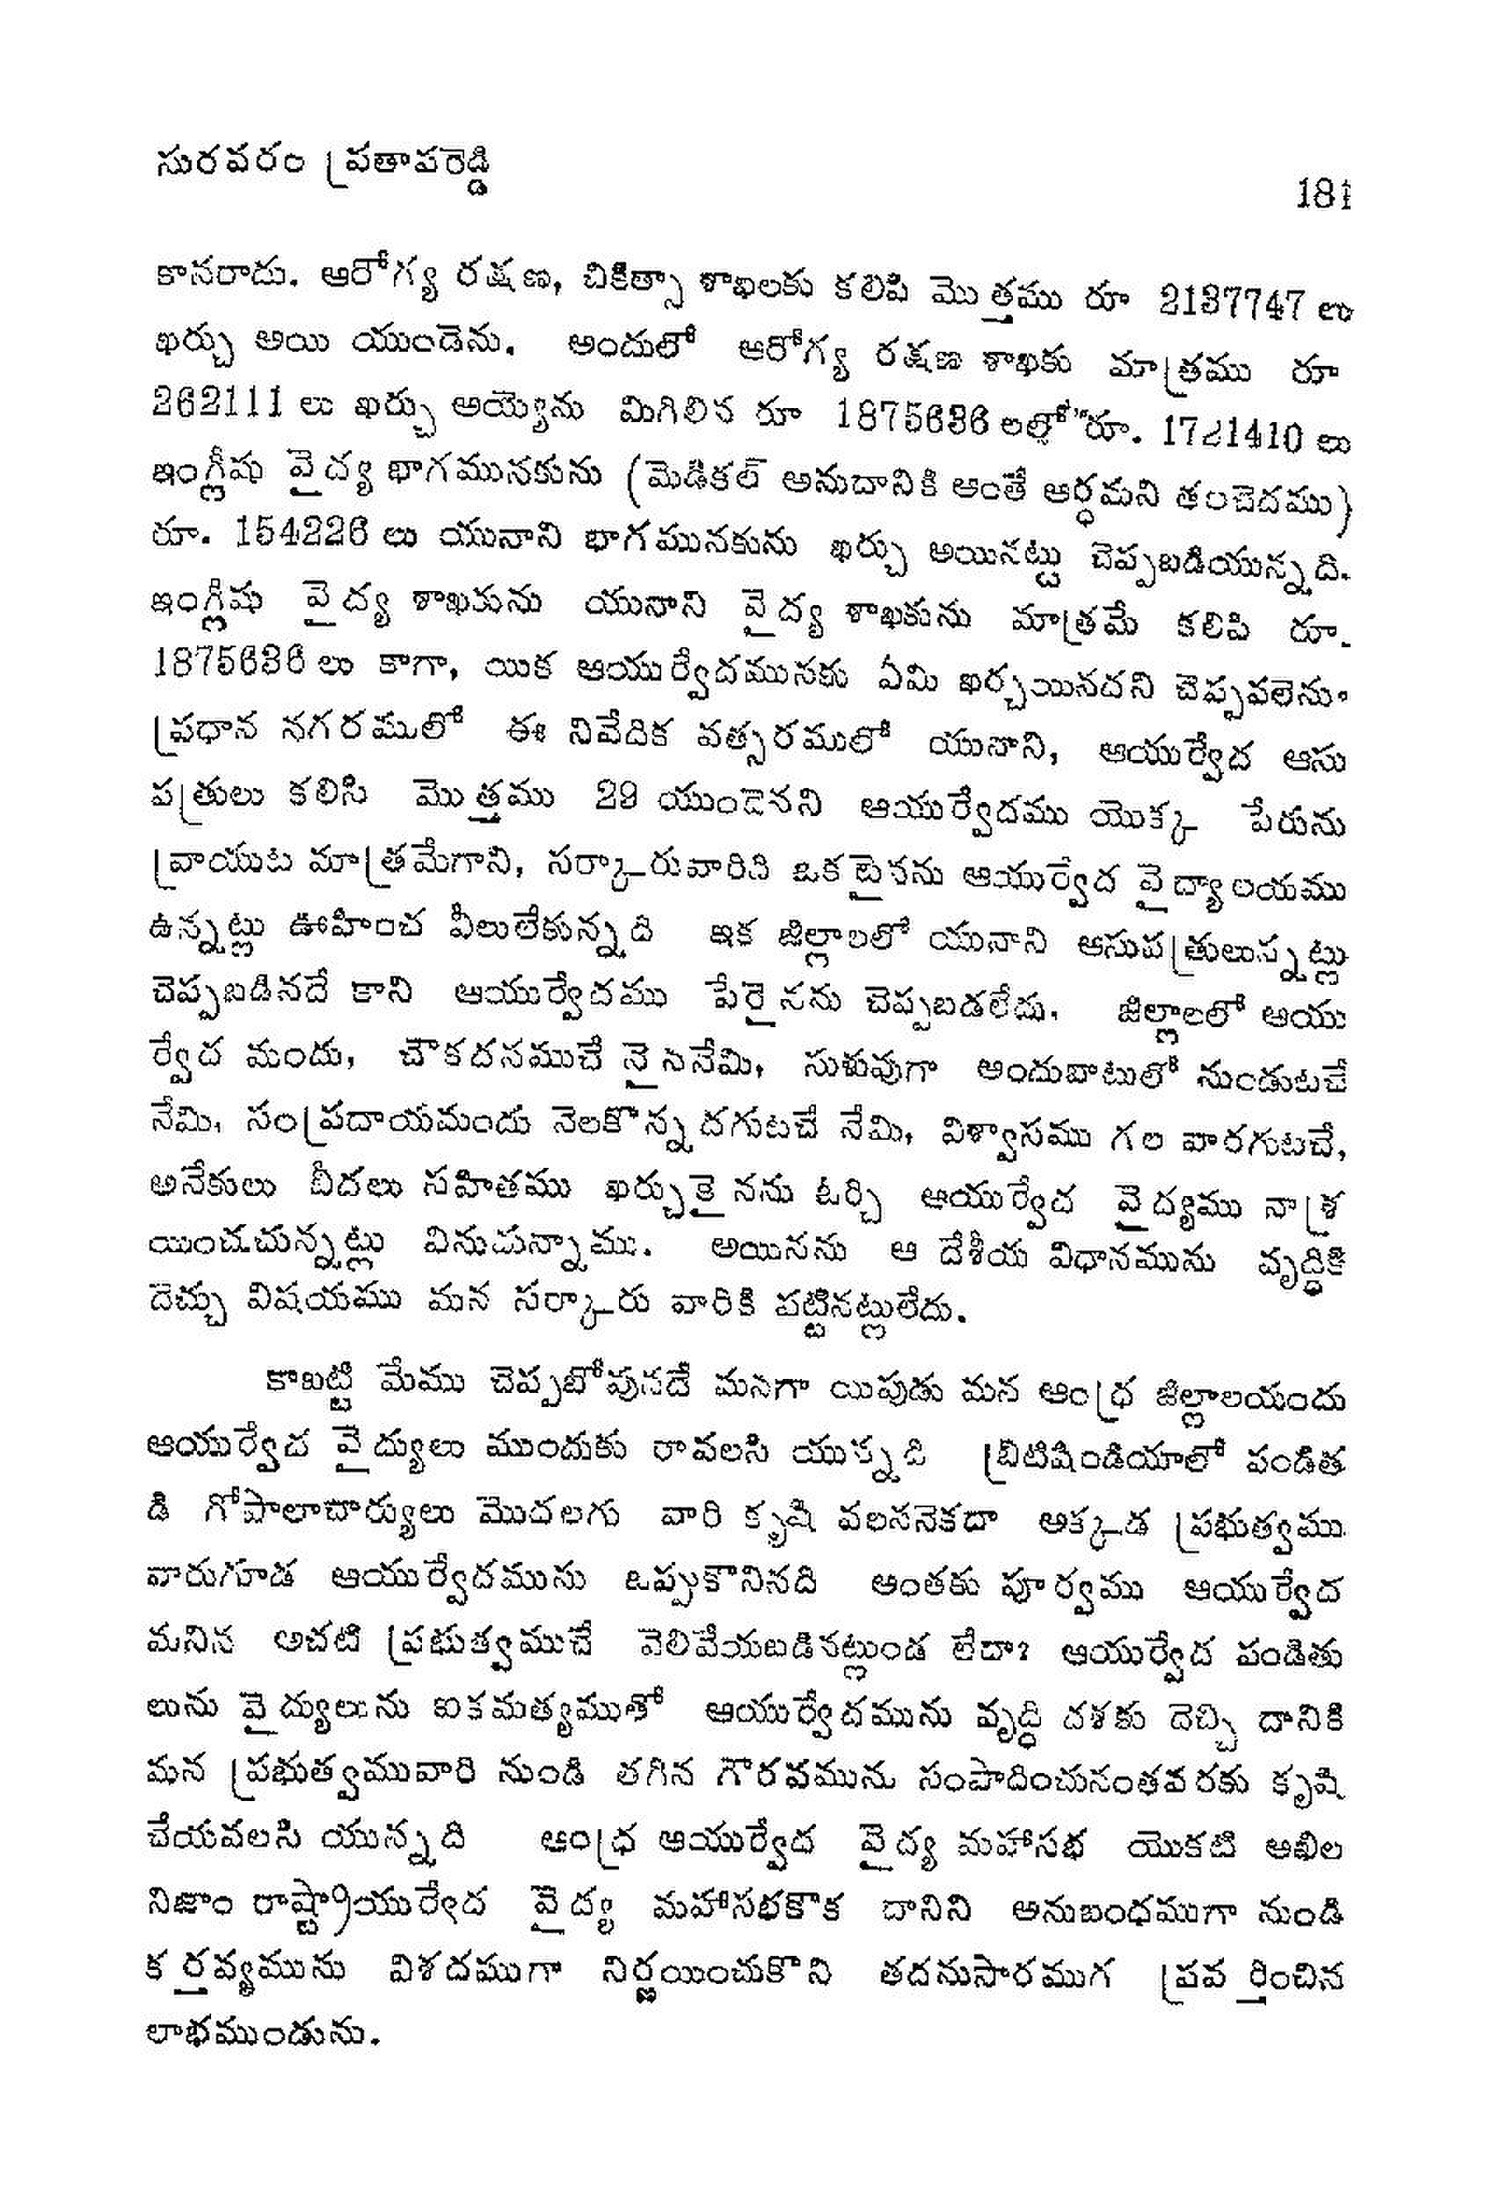కానరాదు. ఆరోగ్య రక్షణ, చికిత్సా శాఖలకు కలిపి మొత్తము రూ 2137747 లు ఖర్చు అయి యుండెను. అందులో
అందులో ఆరోగ్య రక్షణ శాఖకు మాత్రము రూ 262111 లు ఖర్చు అయ్యెను మిగిలిన రూ.1875636 లలో రూ. 1721410 లు ఇంగ్లీషు వైద్య భాగమునకును (మెడికల్ అనుదానికి అంతే అర్ధమని తలచెదము) రూ. 154226 లు యునాని భాగమునకును ఖర్చు అయినట్టు చెప్పబడియున్నది. ఇంగ్లీషు వైద్య శాఖకును యునాని వైద్య శాఖకును మాత్రమే కలిపి రూ. 1875636 లు కాగా, యిక ఆయుర్వేదమునకు ఏమి ఖర్చయినదని చెప్పవలెను. ప్రధాన నగరములో ఈ నివేదిక వత్సరములో యునాని, ఆయుర్వేద ఆసుపత్రులు కలిసి మొత్తము 29 యుండెనని ఆయుర్వేదము యొక్క పేరును వ్రాయుట మాత్రమేగాని, సర్కారువారిది ఒకటైనను ఆయుర్వేద వైద్యాలయము ఉన్నట్లు ఊహించ వీలులేకున్నది ఇక జిల్లాలలో యునాని ఆసుపత్రులున్నట్లు చెప్పబడినదే కాని ఆయుర్వేదము పేరైనను చెప్పబడలేదు. జిల్లాలలో ఆయుర్వేద మందు, చౌకదనముచే నైననేమి, సుళువుగా అందుబాటులో నుండుటచే నేమి, సంప్రదాయమందు నెలకొన్న దగుటచే నేమి, విశ్వాసము గల వారగుటచే, అనేకులు బీదలు సహితము ఖర్చుకైనను ఓర్చి ఆయుర్వేద వైద్యము నాశ్రయించుచున్నట్లు వినుచున్నాము. అయినను ఆ దేశీయ విధానమును వృద్ధికి దెచ్చు విషయము మన సర్కారు వారికి పట్టినట్లులేదు.

కాబట్టి మేము చెప్పబోవునదే మనగా యిపుడు మన ఆంధ్ర జిల్లాలయందు ఆయుర్వేద వైద్యులు ముందుకు రావలసి యున్నది బ్రిటిషిండియాలో పండిత డి గోపాలాచార్యులు మొదలగు వారి కృషి వలననెకదా అక్కడ ప్రభుత్వము వారుగూడ ఆయుర్వేదమును ఒప్పుకొనినది అంతకు పూర్వము ఆయుర్వేద మనిన అచటి ప్రభుత్వముచే వెలివేయబడినట్లుండ లేదా? ఆయుర్వేద పండితులును వైద్యులును ఐకమత్యముతో ఆయుర్వేదమును వృద్ధి దశకు దెచ్చి దానికి మన ప్రభుత్వమువారి నుండి తగిన గౌరవమును సంపాదించునంతవరకు కృషి చేయవలసి యున్నది ఆంధ్ర ఆయుర్వేద వైద్య మహాసభ యొకటి అఖిల నిజాం రాష్ట్రాయుర్వేద వైద్య మహాసభకొక దానిని అనుబంధముగా నుండి కర్తవ్యమును విశదముగా నిర్ణయించుకొని తదనుసారముగ ప్రవర్తించిన లాభముండును.